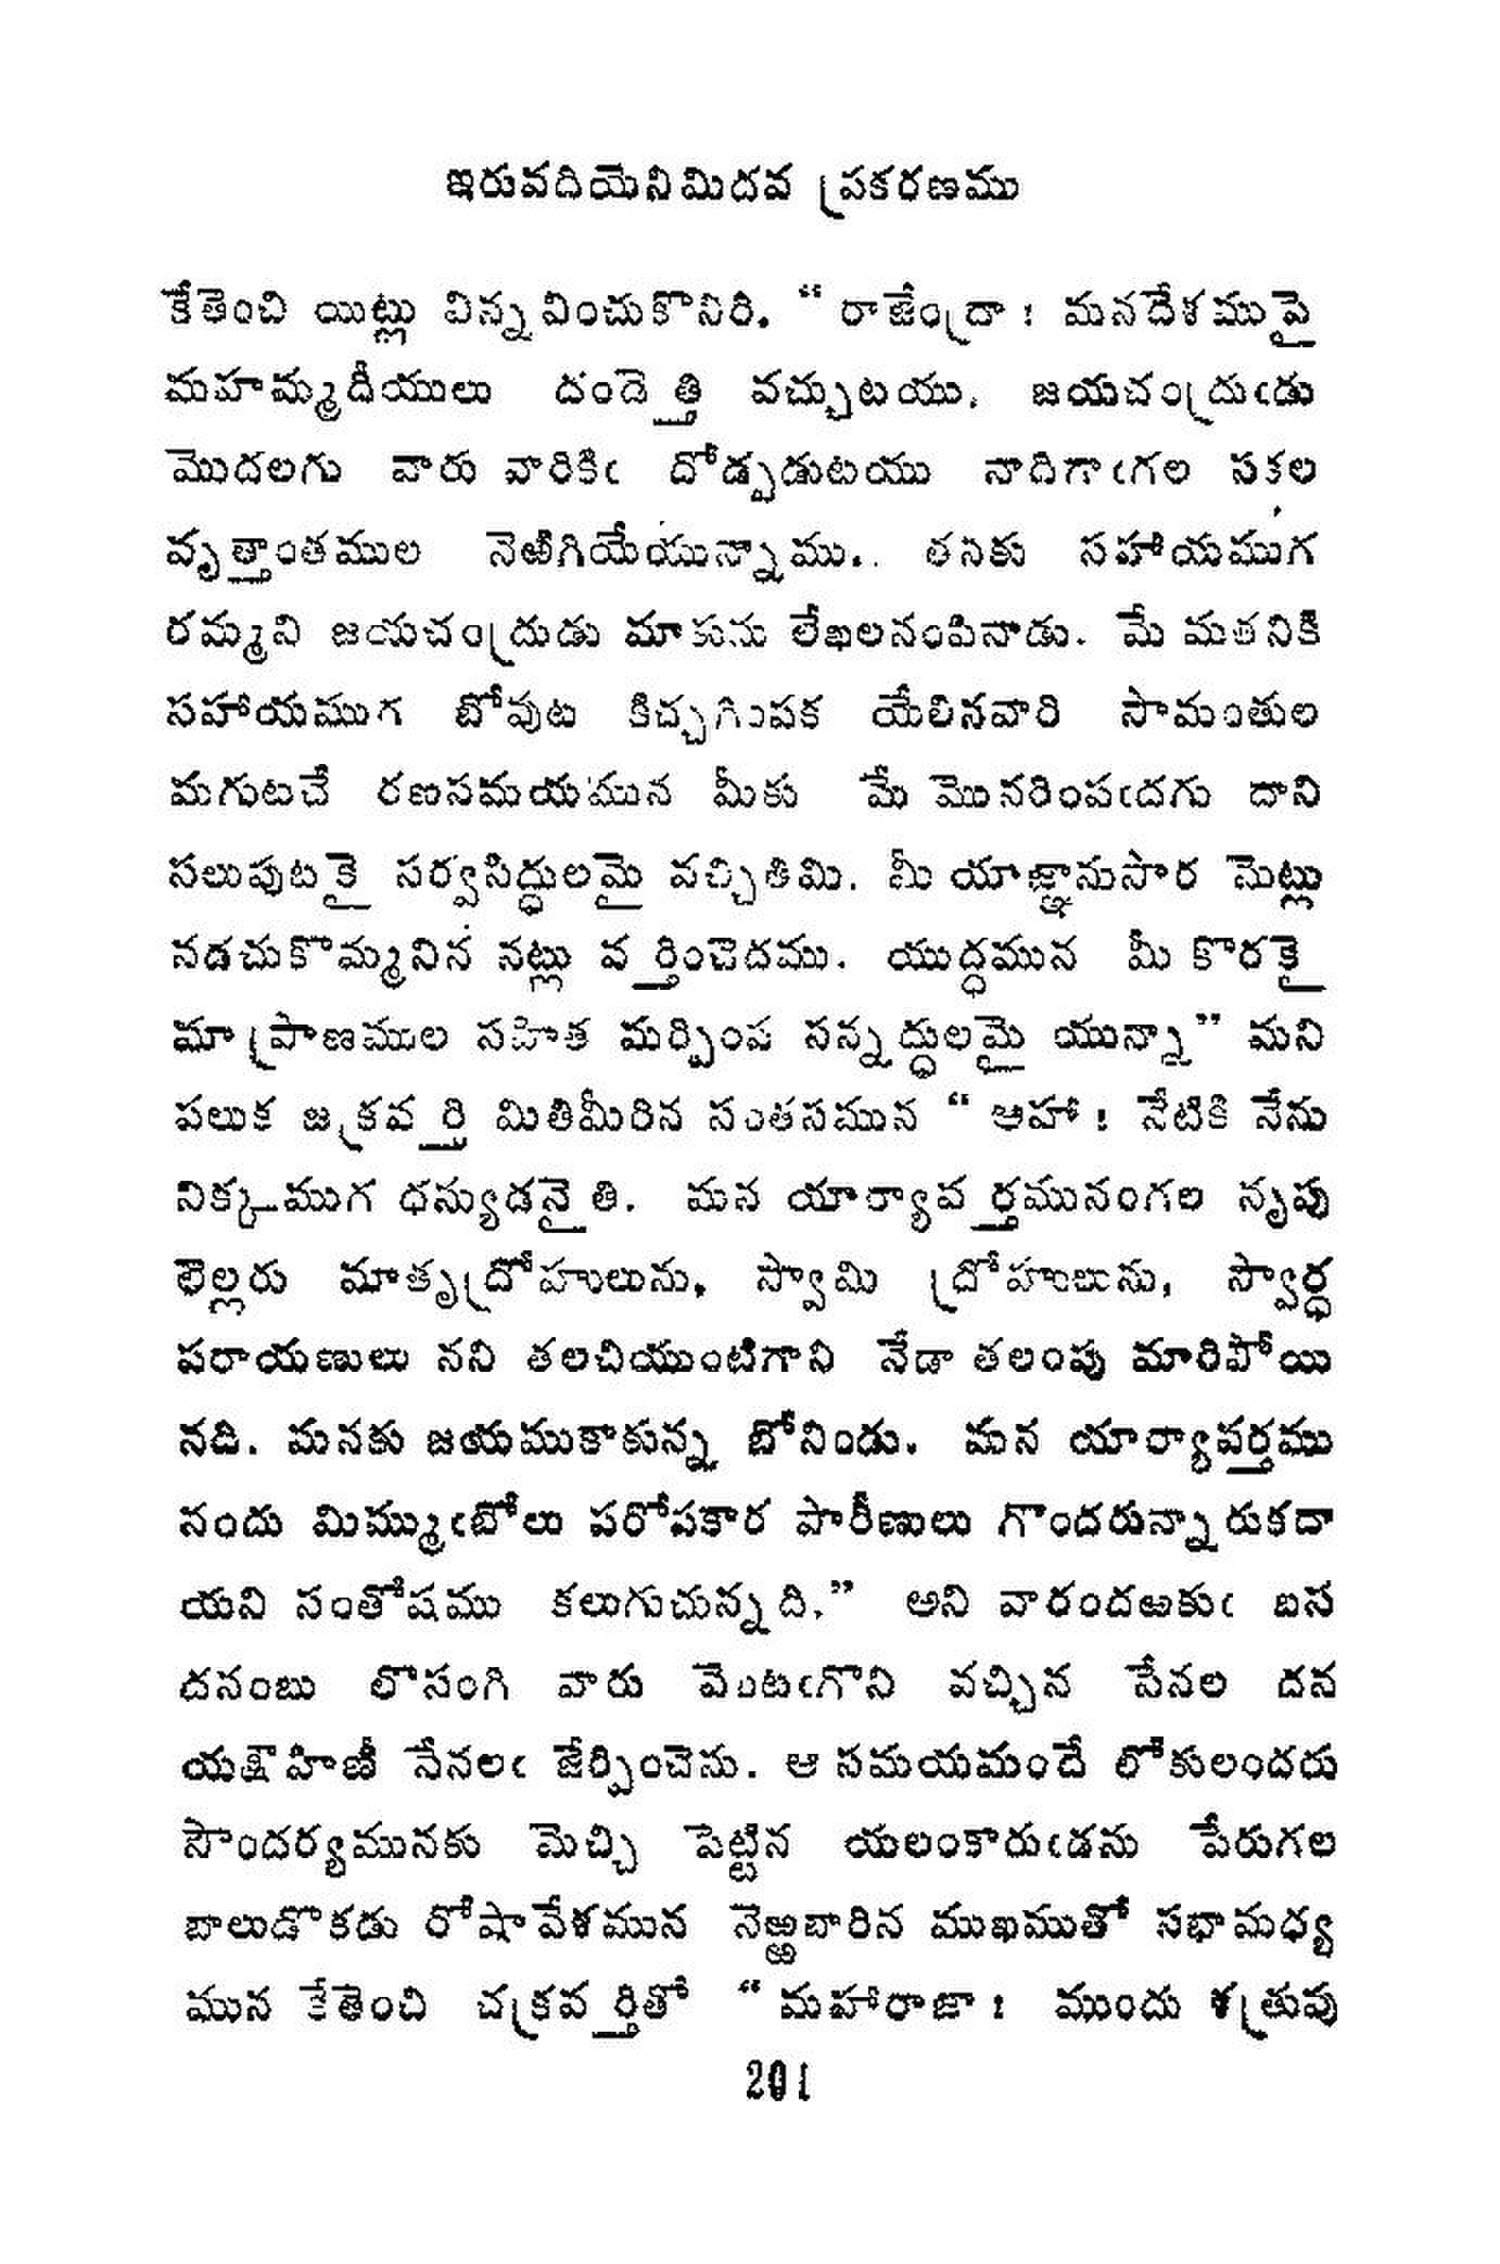కేతెంచి యిట్లు విన్నవించుకొనిరి. “రాజేంద్రా ! మనదేశముపై మహమ్మదీయులు దండెత్తి వచ్చుటయు, జయచంద్రుఁడు మొదలగు వారు వారికిఁ దోడ్పడుటయు నాదిగాఁగల సకల వృత్తాంతముల నెఱిగియేయున్నాము. తనకు సహాయముగ రమ్మని జయచంద్రుడు మాకును లేఖలనంపినాడు. మే మతనికి సహాయముగ బోవుట కిచ్చగింపక యేలినవారి సామంతుల మగుటచే రణసమయమున మీకు మే మొనరింపఁదగు దాని సలుపుటకై సర్వసిద్ధులమై వచ్చితిమి. మీ యాజ్ఞానుసార మెట్లు నడచుకొమ్మనిన నట్లు వర్తించెదము. యుద్ధమున మీ కొరకై మా ప్రాణముల సహిత మర్పింప సన్నద్ధులమై యున్నా" మని పలుక జక్రవర్తి మితిమీరిన సంతసమున "ఆహా! నేటికి నేను నిక్కముగ ధన్యుడనైతి. మన యార్యావర్తమునంగల నృపులెల్లరు మాతృద్రోహులును, స్వామి ద్రోహులును, స్వార్ధ పరాయణులు నని తలచియుంటిగాని నేడా తలంపు మారిపోయినది. మనకు జయముకాకున్న బోనిండు. మన యార్యావర్తము నందు మిమ్ముఁబోలు పరోపకార పారీణులు గొందరున్నారుకదా యని సంతోషము కలుగుచున్నది,” అని వారందఱకుఁ బస దనంబు లొసంగి వారు వెంటఁగొని వచ్చిన సేనల దన యక్షౌహిణీ సేనలఁ జేర్పించెను. ఆ సమయమందే లోకులందరు సౌందర్యమునకు మెచ్చి పెట్టిన యలంకారుఁడను పేరుగల బాలుడొకడు రోషావేశమున నెఱ్ఱాబారిన ముఖముతో సభామధ్యమున కేతెంచి చక్రవర్తితో "మహారాజా ! ముందు శత్రువు